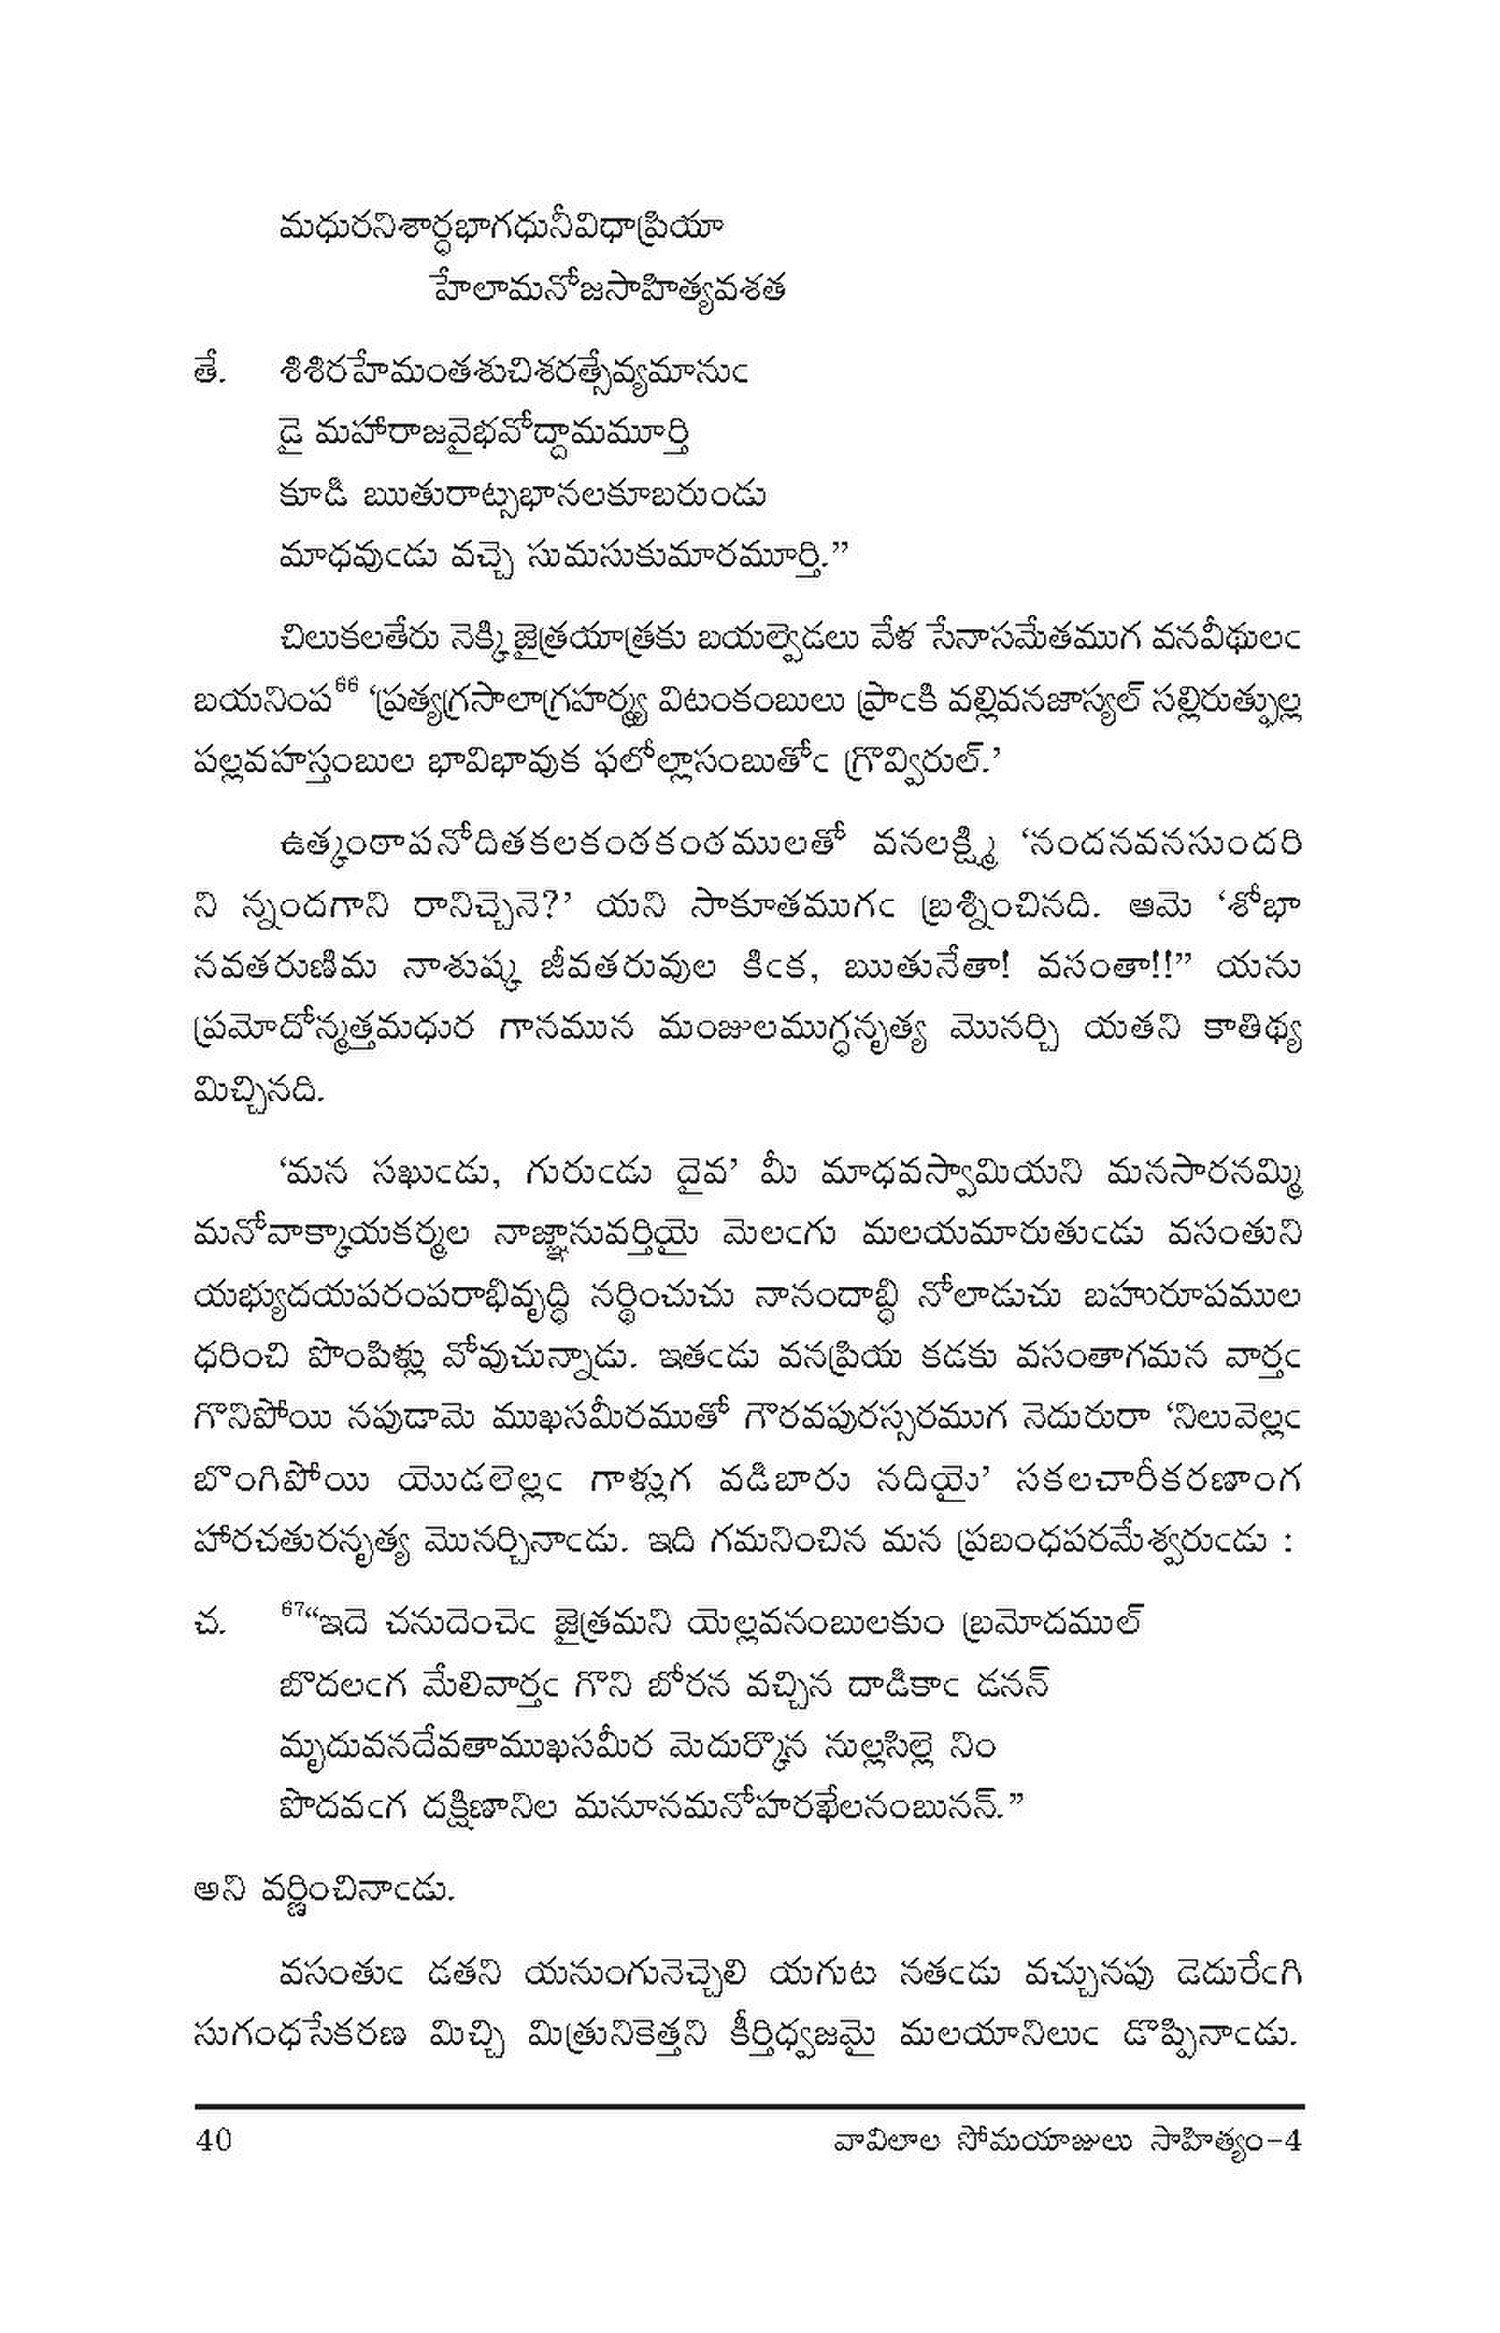మధురనిశార్ధభాగధునీవిధాప్రియా
 హేలామనోజసాహిత్యవశత

తే. శిశిరహేమంతశుచిశరత్సేవ్యమానుఁ
 డై మహారాజవైభవోద్దామమూర్తి
 కూడి ఋతురాట్సభానలకూబరుండు
 మాధవుఁడు వచ్చె సుమసుకుమారమూర్తి.”

చిలుకలతేరు నెక్కి జైత్రయాత్రకు బయల్వెడలు వేళ సేనాసమేతముగ వనవీథులఁ
బయనింప 'ప్రత్యగ్రసాలాగ్రహర్మ్య విటంకంబులు ప్రాఁకి వల్లివనజాస్యల్ సల్లిరుత్ఫుల్ల
పల్లవహస్తంబుల భావిభావుక ఫలోల్లాసంబుతోఁ గొవ్విరుల్.'

ఉత్కంఠాపనోదితకలకంఠకంఠములతో వనలక్ష్మి 'నందనవనసుందరి
నీ న్నందగాని రానిచ్చెనె?' యని సాకూతముగఁ బ్రశ్నించినది. ఆమె 'శోభా
నవతరుణిమ నాశుష్క జీవతరువుల కిఁక, ఋతునేతా! వసంతా!!" యను
ప్రమోదోన్మత్తమధుర గానమున మంజులముగ్ధనృత్య మొనర్చి యతని కాతిథ్య
మిచ్చినది.

'మన సఖుఁడు, గురుఁడు దైవ' మీ మాధవస్వామియని మనసారనమ్మి
మనోవాక్కాయకర్మల నాజ్ఞానువర్తియై మెలఁగు మలయమారుతుఁడు వసంతుని
అభ్యుదయపరంపరాభివృద్ధి నర్థించుచు నానందాబ్ధి నోలాడుచు బహురూపముల
ధరించి పొంపిళ్లు వోవుచున్నాడు. ఇతఁడు వనప్రియ కడకు వసంతాగమన వార్తఁ
గొనిపోయి నపుడామె ముఖసమీరముతో గౌరవపురస్సరముగ నెదురురా 'నిలువెల్లఁ
బొంగిపోయి యొడలెల్లఁ గాళ్లుగ వడిబారు నదియై' సకలచారీకరణాంగ
హారచతురనృత్య మొనర్చినాఁడు. ఇది గమనించిన మన ప్రబంధపరమేశ్వరుఁడు :

చ. ఇదె చనుదెంచెఁ జైత్రమని యెల్లవనంబులకుం బ్రమోదముల్
 బొదలఁగ మేలివార్తఁ గొని బోరన వచ్చిన దాడికాఁ డనన్
 మృదువనదేవతాముఖసమీర మెదుర్కొన నుల్లసిల్లె నిం
 పొదవఁగ దక్షిణానిల మనూనమనోహరఖేలనంబునన్.”

అని వర్ణించినాఁడు.

వసంతుఁ డతని యనుంగునెచ్చెలి యగుట నతఁడు వచ్చునపు డెదురేఁగి
సుగంధసేకరణ మిచ్చి మిత్రునికెత్తని కీర్తిధ్వజమై మలయానిలుఁ డొప్పినాఁడు.